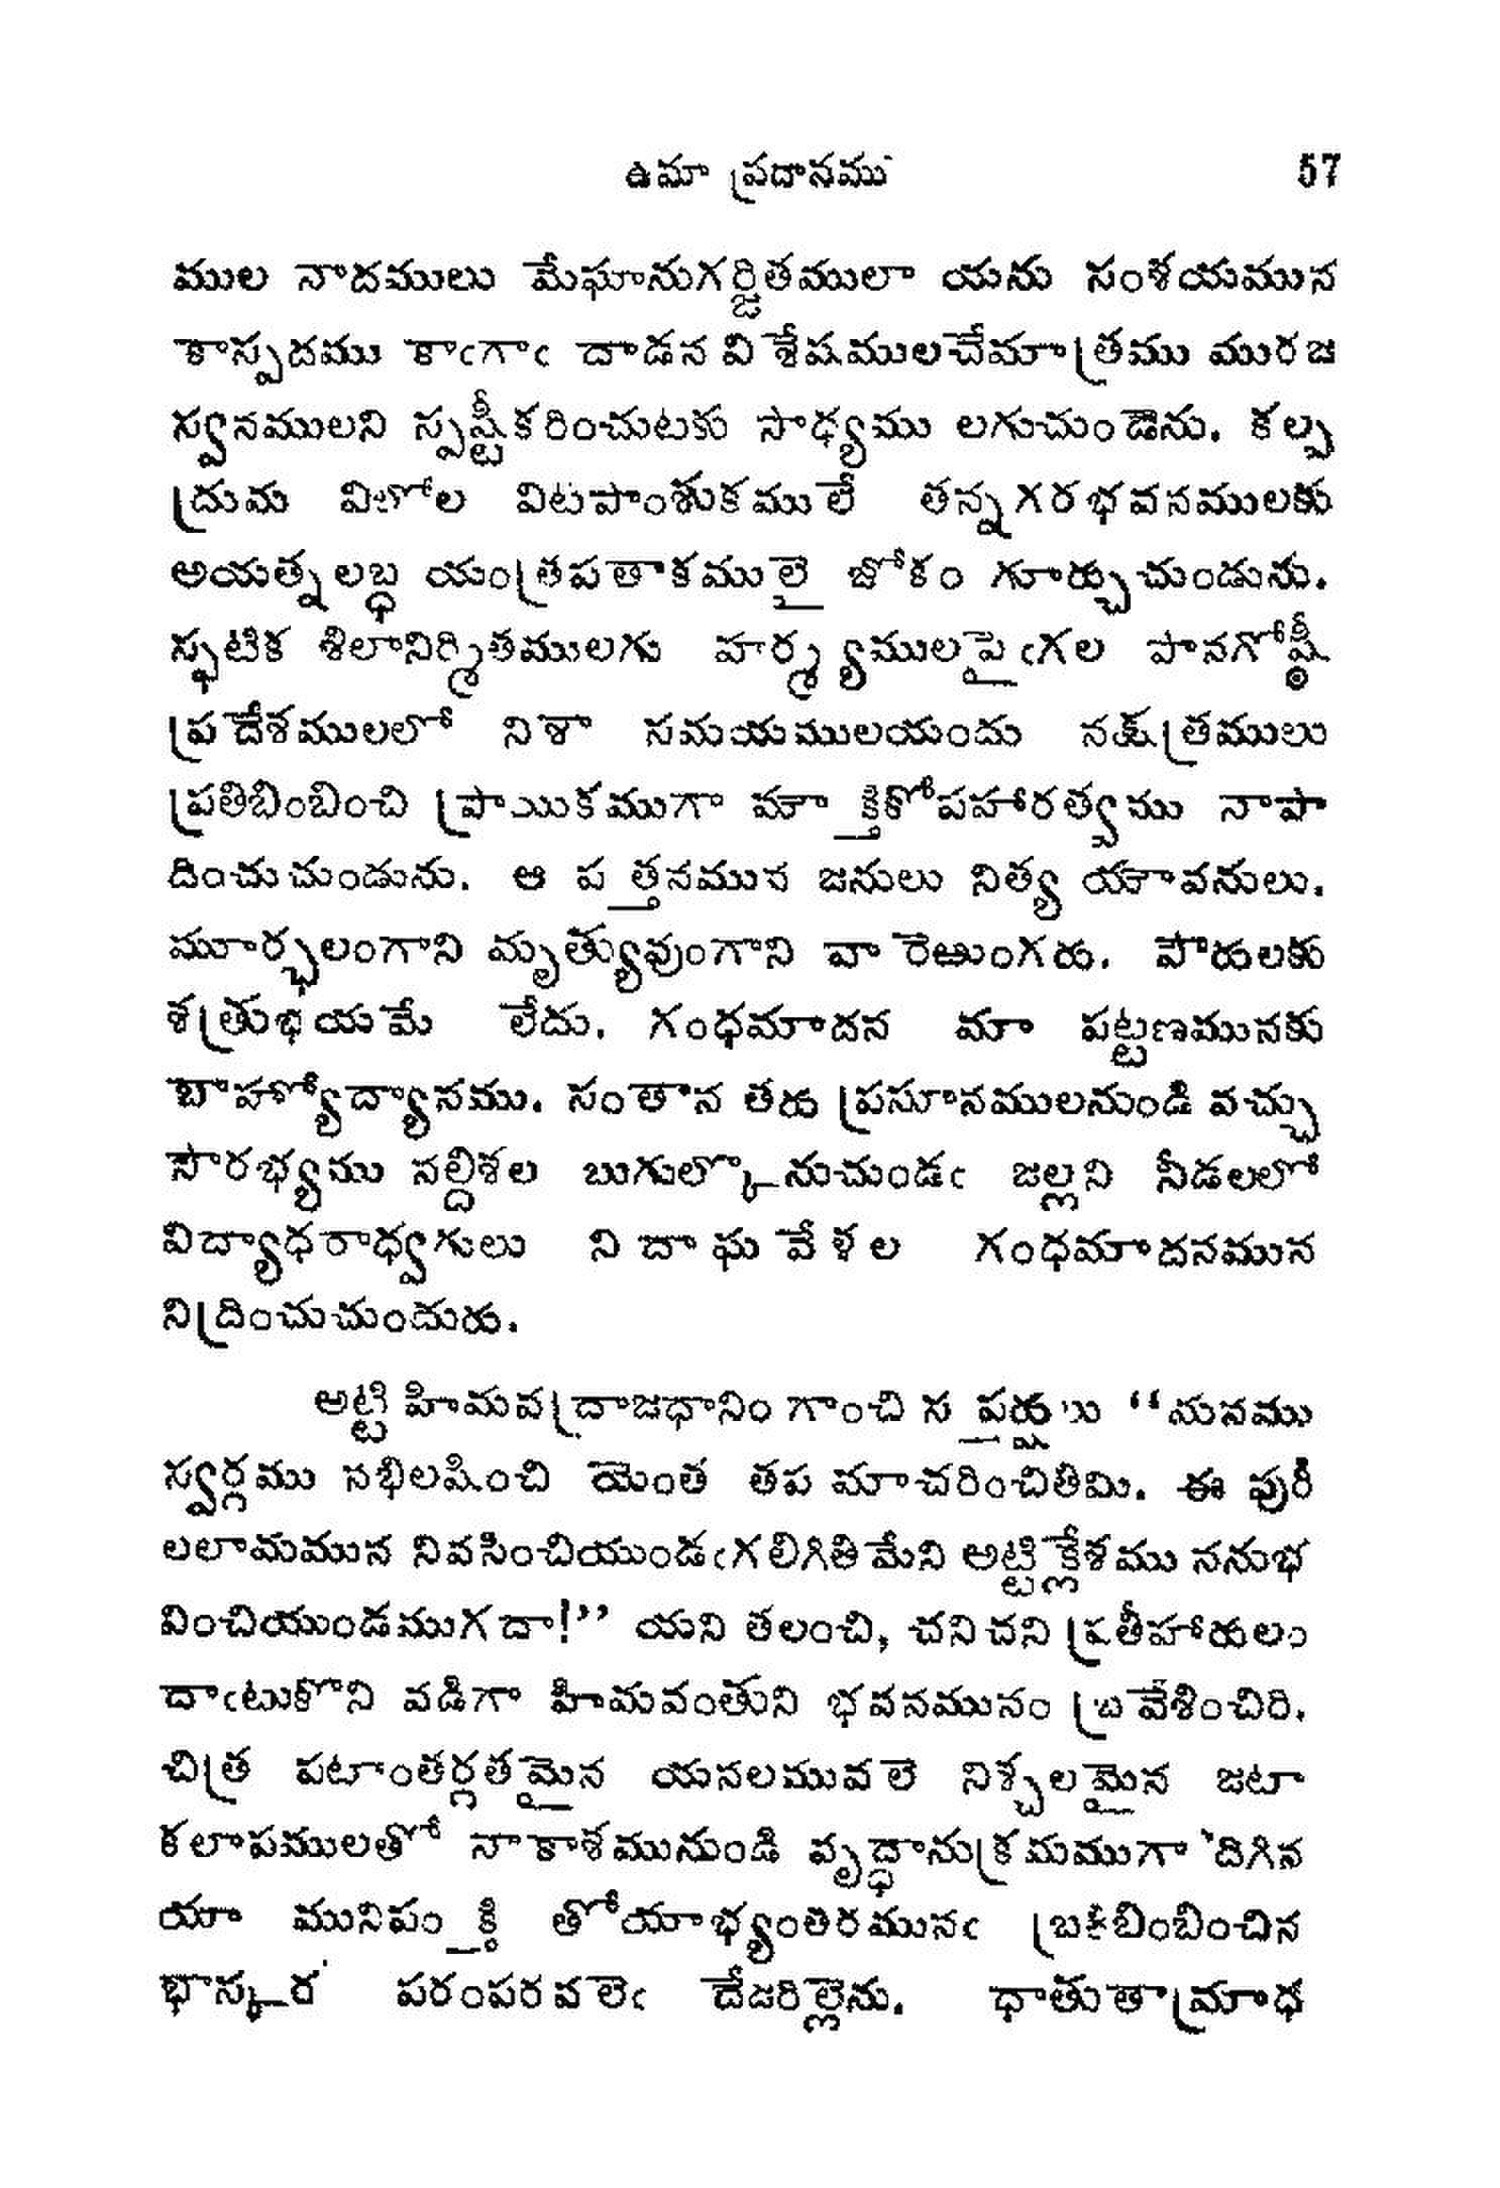ముల నాదములు మేఘానుగర్జితములా యను సంశయమున కాస్పదము కాఁగాఁ దాడన విశేషములచేమాత్రము మురజ
స్వనములని స్పష్టీకరించుటకు సాధ్యము లగుచుండెను. కల్పద్రుమ విలోల విటపాంశుకములే తన్న గరభవనములకు
అయత్నలబ్ధ యంత్రపతాకములై జోకం గూర్చుచుండును. స్ఫటిక శిలానిర్మితములగు హర్మ్యములపైఁగల పానగోష్ఠి
ప్రదేశములలో నిశా సమయములయందు నక్షత్రములు ప్రతిబింబించి ప్రాయికముగా మౌ క్తికోపహారత్వము నాపా
దించుచుండును. ఆ పత్తనమున జనులు నిత్య యౌవనులు. మూర్ఛలంగాని మృత్యువుంగాని వా రెఱుంగరు. పౌరులకు
శత్రుభయమే లేదు. గంధమాదన మా పట్టణమునకు బాహ్యోద్యానము. సంతాన తరు ప్రసూనములనుండి వచ్చు
సౌరభ్యము నల్దిశల బుగుల్కొనుచుండఁ జల్లని నీడలలో విద్యాధరాధ్యగులు నిదాఘవేళల గంధమాదనమున నిద్రించుచుందురు.

అట్టి హిమవద్రాజధానిం గాంచి న పరులు “మనము స్వర్గము నభిలషించి యెంత తప మాచరించితిమి. ఈ పురీల లామమున నివసించియుండఁగలిగితి మేని అట్టి క్లేశము ననుభవించియుండముగదా!” యని తలంచి, చనిచని ప్రతీహారులం దాఁటుకొని వడిగా హిమవంతుని భవనమునం బ్రవేశించిరి. చిత్ర పటాంతర్గతమైన యనలమువలె నిశ్చలమైన జటాకలాపములతో నాకాశమునుండి వృద్ధానుక్రమముగా 'దిగిన యా మునిపంక్తి తోయాభ్యంతరమునఁ బ్రతిబింబించిన
భాస్కర పరంపరవలెఁ దేజరిల్లెను. ధాతు తామ్రాధ